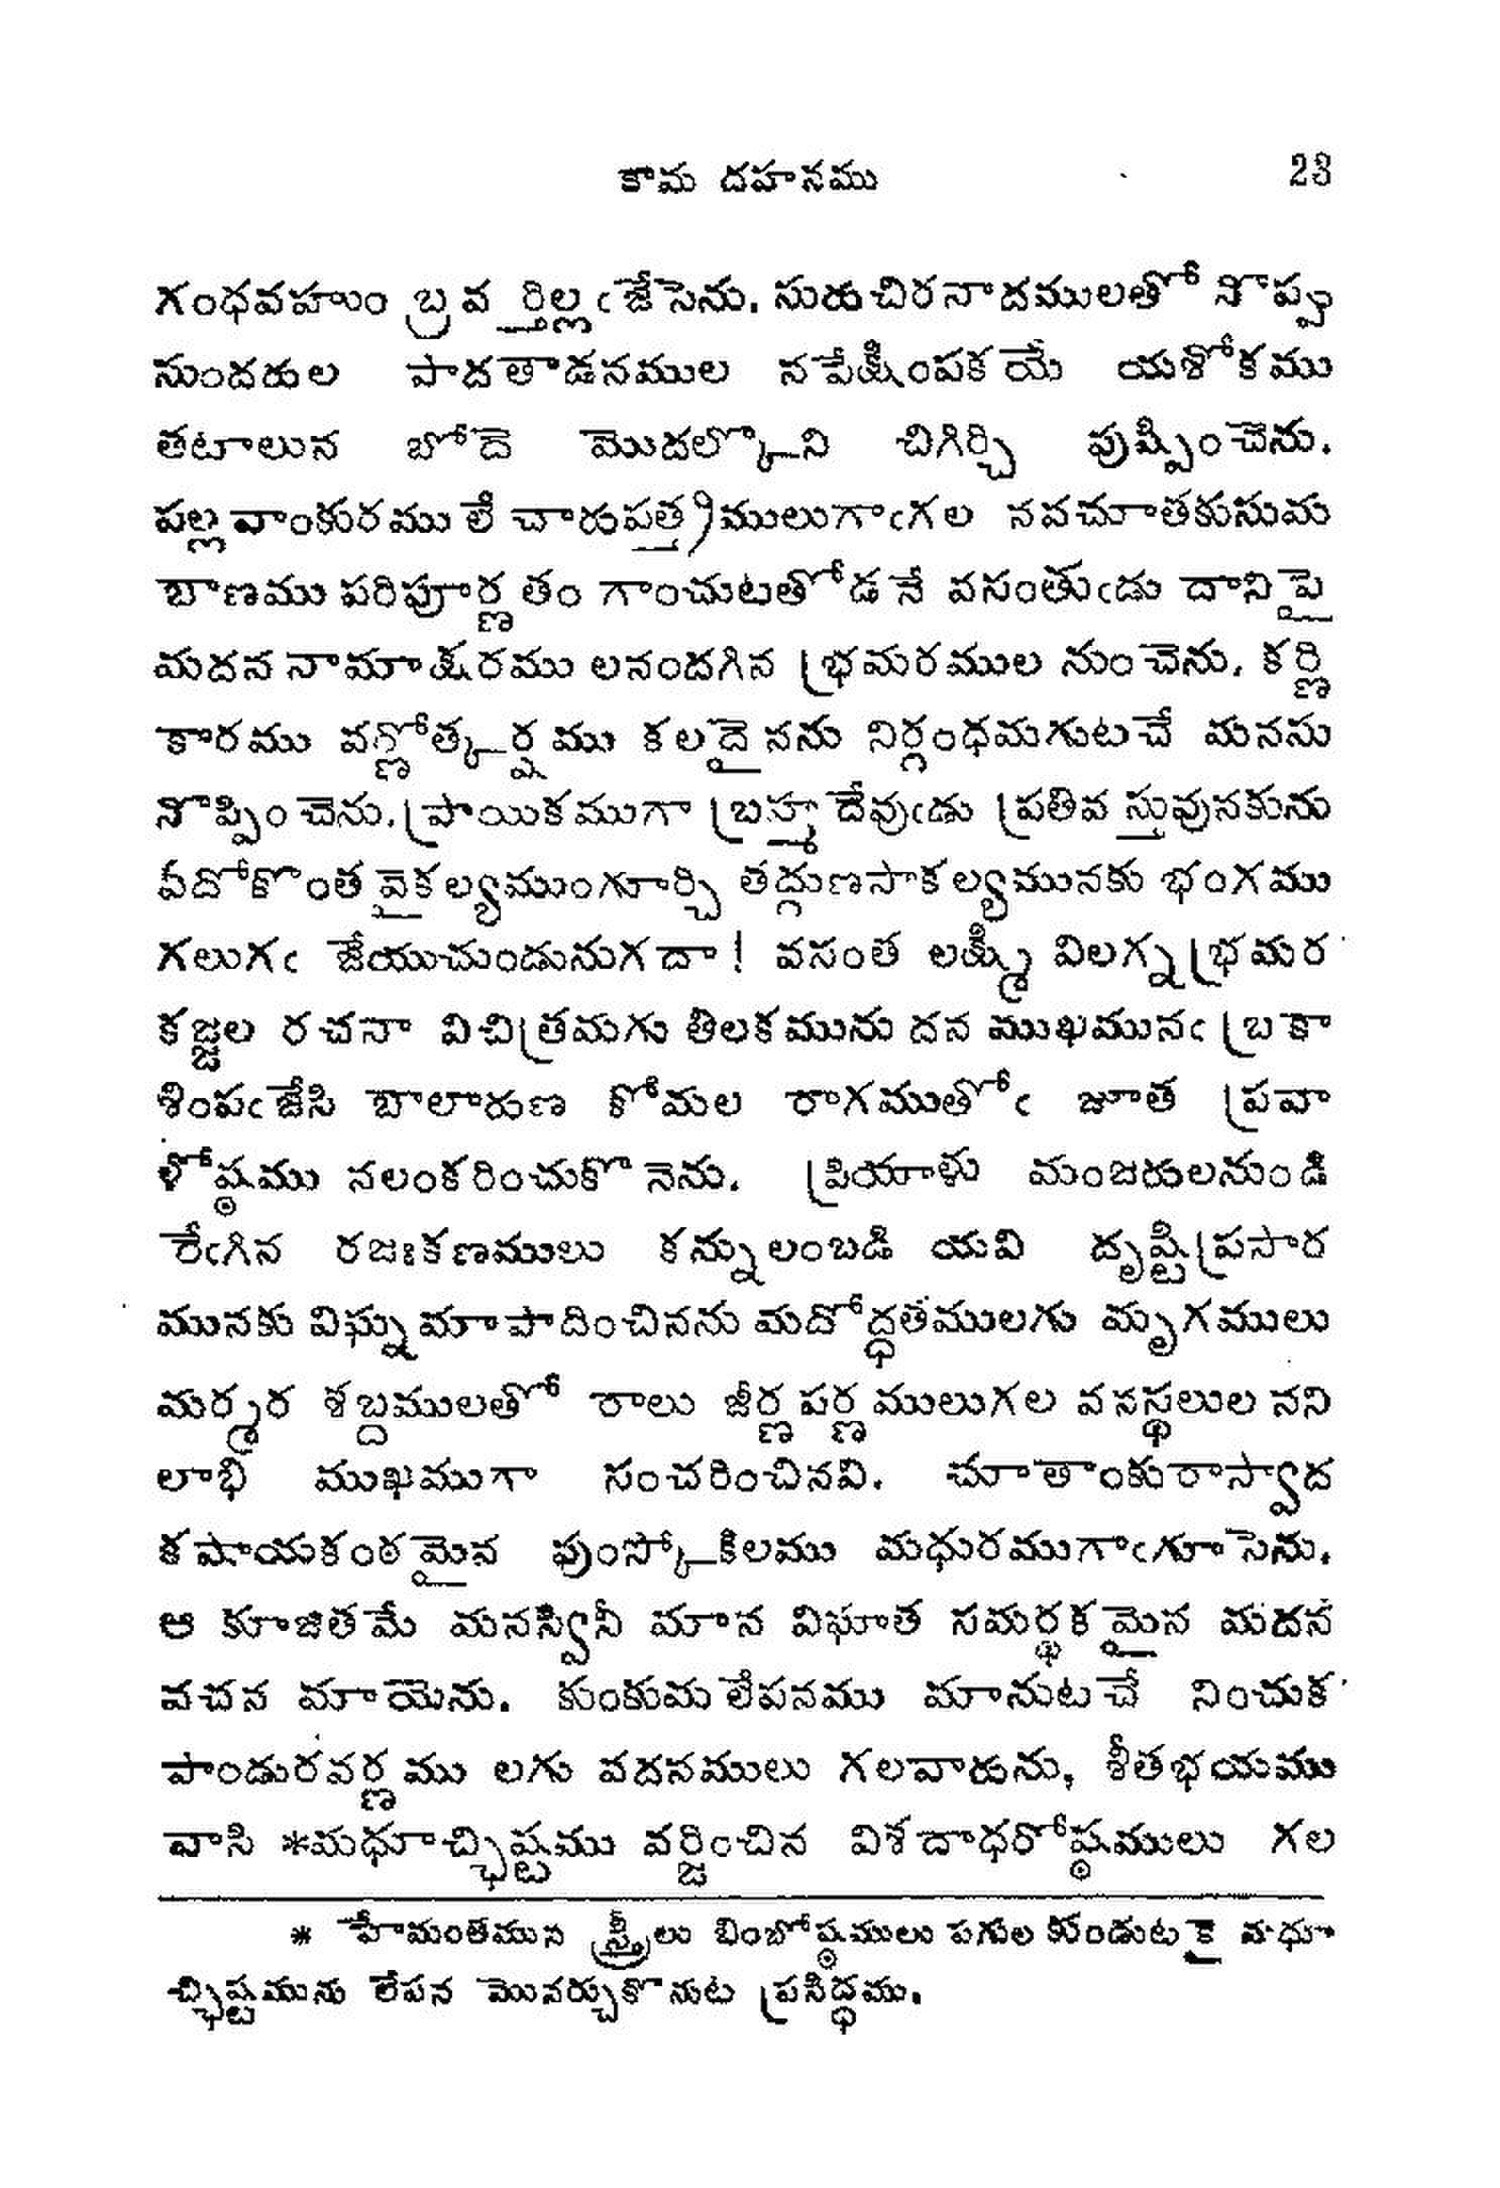గంధవహుం బ్రవర్తిల్లఁ జేసెను, సురుచిరనాదములతో నొప్పు సుందరుల పాదతాడనముల నపేక్షింపకయే యశోకము తటాలున బోదె మొదల్కొని చిగిర్చి పుష్పించెను. పల్ల వాంకురము లే చారు పత్రములుగాఁగల నవచూతకుసుమ
బాణము పరిపూర్ణ తం గాంచుటతోడనే వసంతుఁడు దానిపై మదన నామాక్షరము లనందగిన భ్రమరముల నుంచెను, కర్ణి కారము వర్ణోత్కర్షము కలదైనను నిర్గంధమగుటచే మనసు నొప్పించెను, ప్రాయికముగా బ్రహ్మ దేవుఁడు ప్రతివస్తువునకును
ఏదో కొంత వైకల్యముంగూర్చి తద్గుణ సాకల్యమునకు భంగము గలుగఁ జేయుచుండునుగదా ! వసంత లక్ష్మి విలగ్న భ్రమర
కజ్జల రచనా విచిత్రమగు తిలకమును దన ముఖమునఁ బ్రకాశింపఁజేసి బాలారుణ కోమల రాగముతోఁ జూత ప్రవాళోష్ఠము నలంకరించుకొనెను. ప్రియాళు మంజరులనుండి రేఁగిన రజఃకణములు కన్నులంబడి యవి దృష్టి ప్రసారమునకు విఘ్న మాపాదించినను మదోద్ధతములగు మృగములు మర్మర శబ్దములతో రాలు జీర్ణ పర్ణములుగల వనస్థలుల ననిలాభి ముఖముగా సంచరించినవి. చూతాంకురాస్వాద కషాయకంఠమైన పుంస్కోకిలము మధురముగాఁ గూసెను, ఆ కూజితమే మనస్వినీ మాన విఘాత సమర్థకమైన మదన వచన మాయెను. కుంకుమ లేపనము మానుటచే నించుక పాండుర వర్ణము లగు వదనములు గలవారును, శీతభయము వాసి *మధూచ్చిష్టము వర్ణించిన విశదాధరోష్ఠములు గల